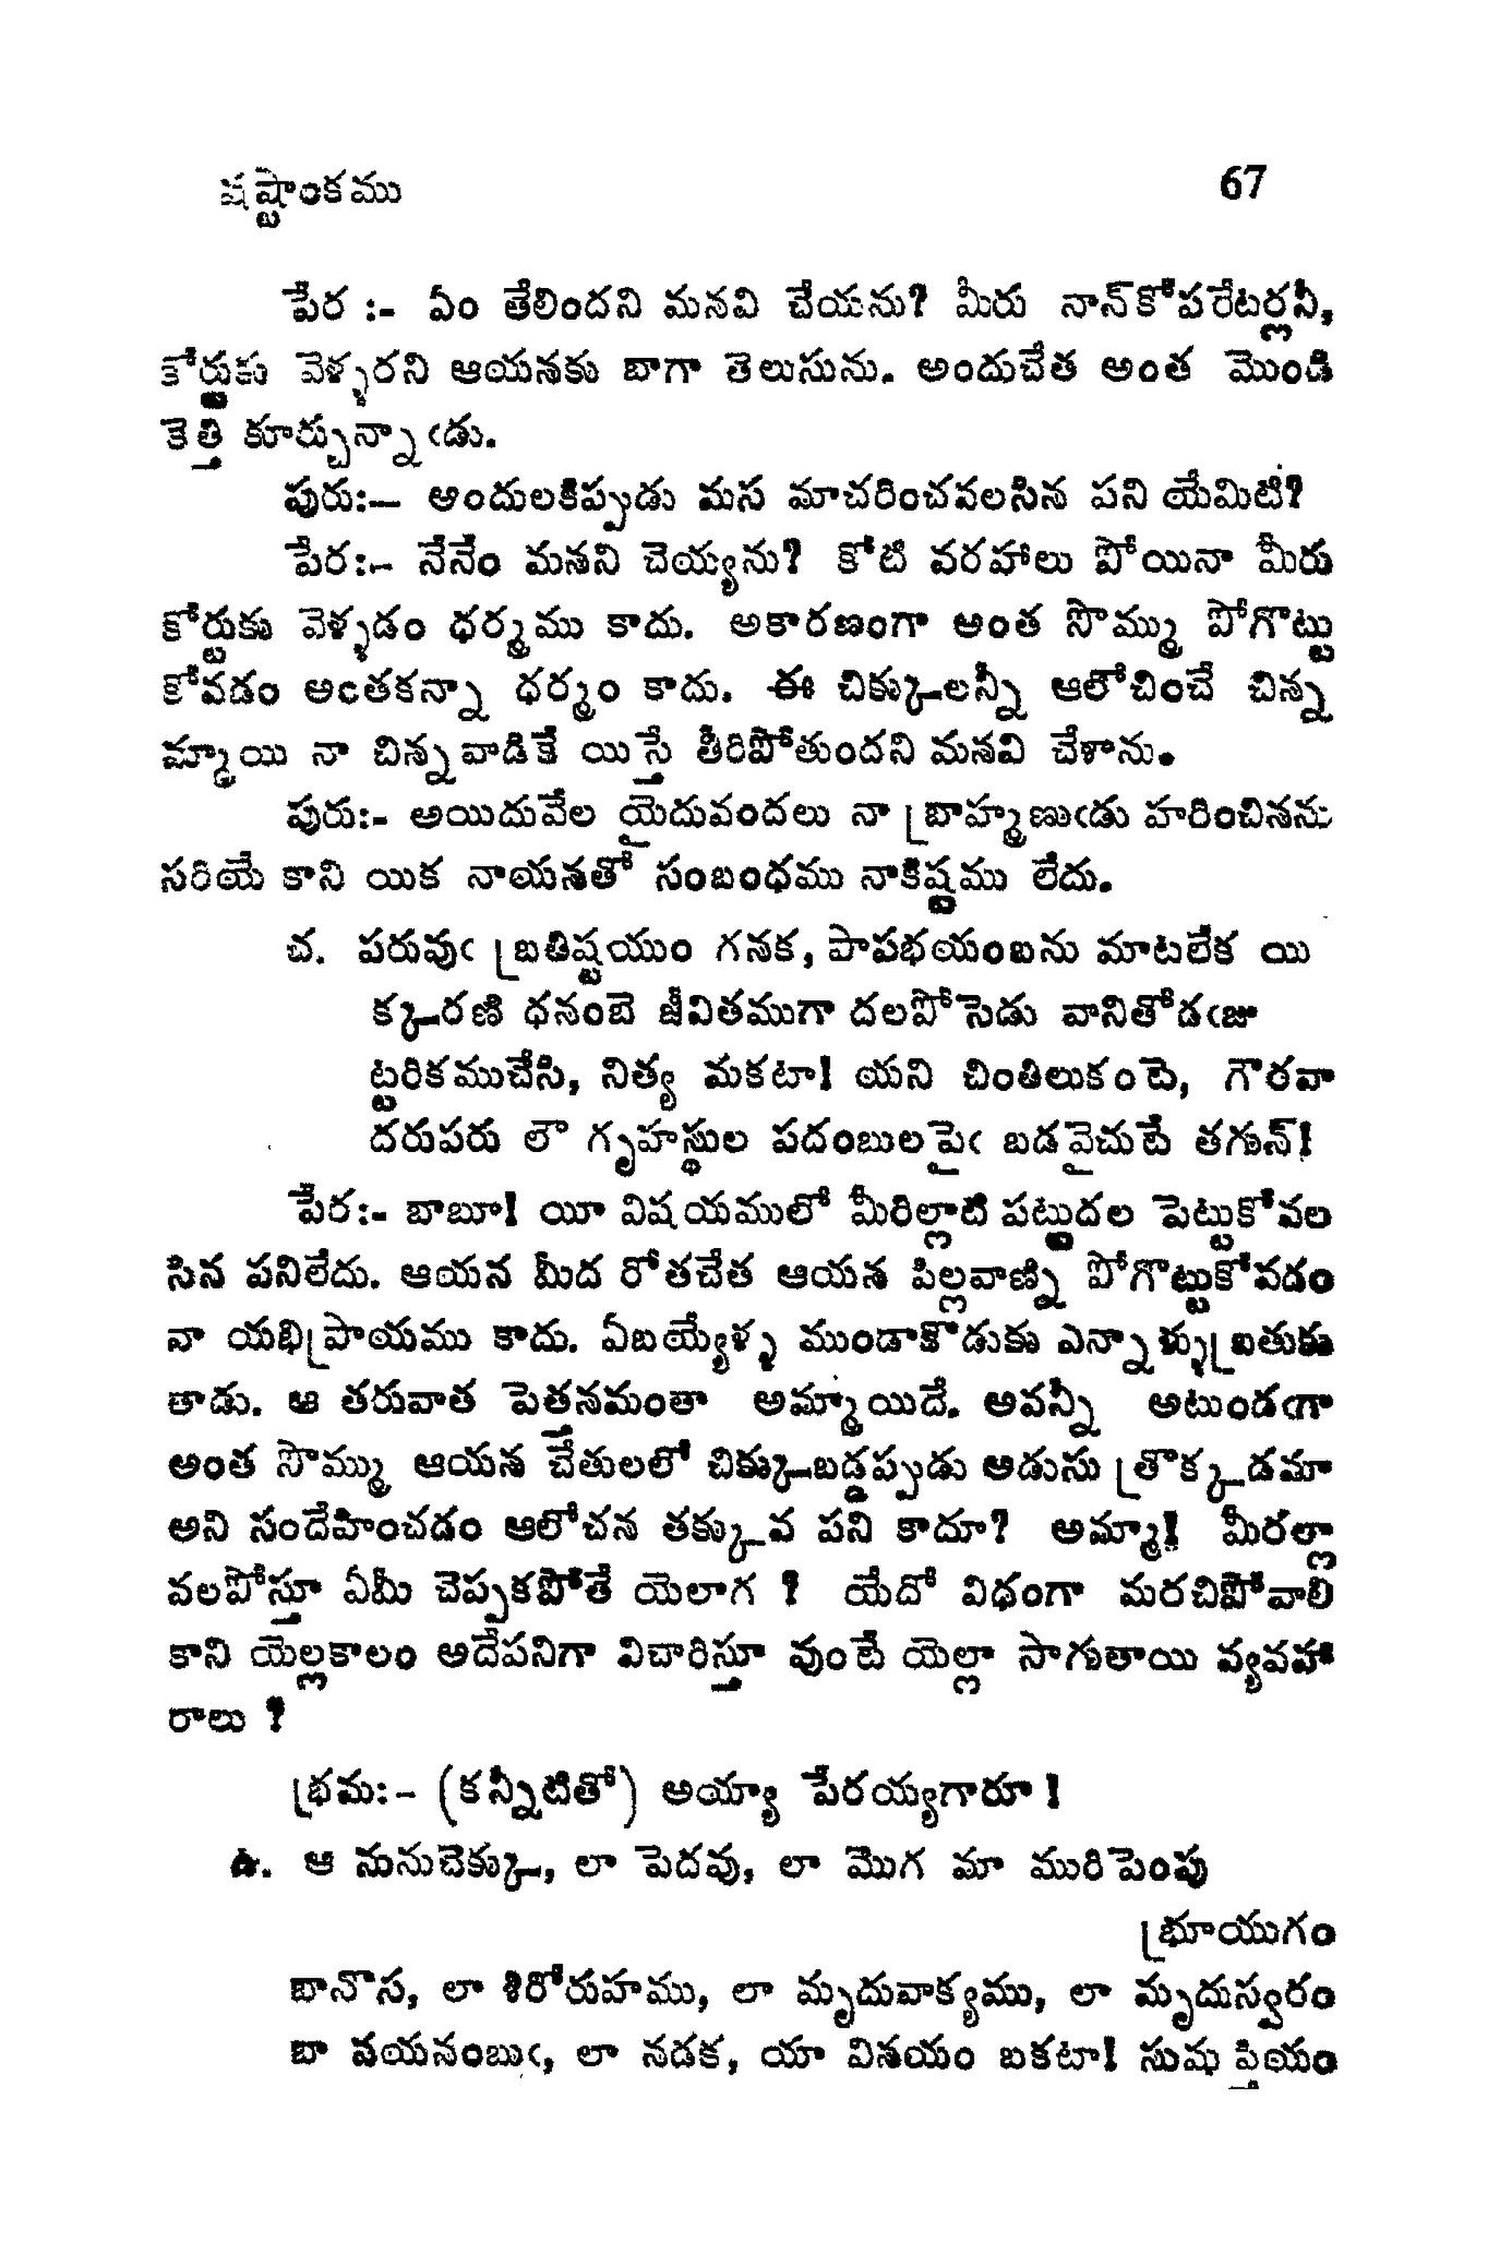పేర :- ఏం తేలిందని మనవి చేయను? మీరు నాన్‌కోపరేటర్లనీ, కోర్టుకు వెళ్లరని ఆయనకు బాగా తెలుసును. అందుచేత అంత మొండికెత్తి కూర్చున్నాఁడు.

పురు :- అందులకిప్పుడు మన మాచరింపవలసిన పని యేమిటి?

పేర :- నేనేం మనవి చెయ్యను? కోటి వరహాలు పోయినా మీరు కోర్టుకు వెళ్ళడం ధర్మము కాదు. అకారణంగా అంత సొమ్ము పోగొట్టుకోవడం అంతకన్నా ధర్మం కాదు. ఈ చిక్కులన్నీ ఆలోచించే చిన్నమ్మాయి నా చిన్నవాడికే యిస్తే తీరిపోతుందని మనవి చేశాను.

పురు :- అయిదువేల యైదువందలు నా బ్రాహ్మణుఁడు హరించినను సరియే కాని యిక నాయనతో సంబంధము నాకిష్టము లేదు!

చ. పరువుఁ బ్రతిష్టయుం గనక, పాపభయంబను మాటలేక యి
 క్కరణి ధనంబె జీవితముగా దలపోసెడు వానితోడఁజు
 ట్టరికముచేసి, నిత్య మకటా! యని చింతిలుకంటె, గౌరవా
 దరపరు లౌ గృహస్థుల పదంబులపైఁ బడవైచుటే తగున్‌!
పేర :- బాబూ! యీ విషయములో మీరిల్లాటి పట్టుదల పెట్టుకోవలసిన పనిలేదు. ఆయన మీద రోతచేత ఆయన పిల్లవాణ్ని పోగొట్టుకోవడం నా అభిప్రాయము కాదు. ఏబయ్యేళ్ళ ముండాకొడు ఎన్నాళ్లు బ్రతుకుతాడు. ఆ తరువాత పెత్తనమంతా అమ్మాయిదే. అవన్నీ అటుండఁగా అంత సొమ్ము ఆయన చేతులలో చిక్కుపడ్డప్పుడు అడుసు త్రొక్కడమా అని సందేహించడం ఆలోచన తక్కువ పని కాదూ? అమ్మా! మీరల్లా వలపోస్తూ ఏమీ చెప్పకపోతే యెల్లాగ? యేదో విధంగా మరచిపోవాలి కాని యెల్లకాలం అదేపనిగా విచారిస్తూ వుంటే యెల్లా సాగుతాయి వ్యవహారాలు?

భ్రమ :- (కన్నీటితో ) అయ్యా పేరయ్యగారూ!

ఉ. ఆ నునుచెక్కు, లా పెదవు, లా మొగ మామురిపెంపు భ్రూయుగం,
 బానొస, లా శిరోరుహము, లా మృదువాక్యము, లామృదుస్వరం
 బా నయనంబుఁ, లా నడక, యా వినయం బకటా! సుషుప్తియం